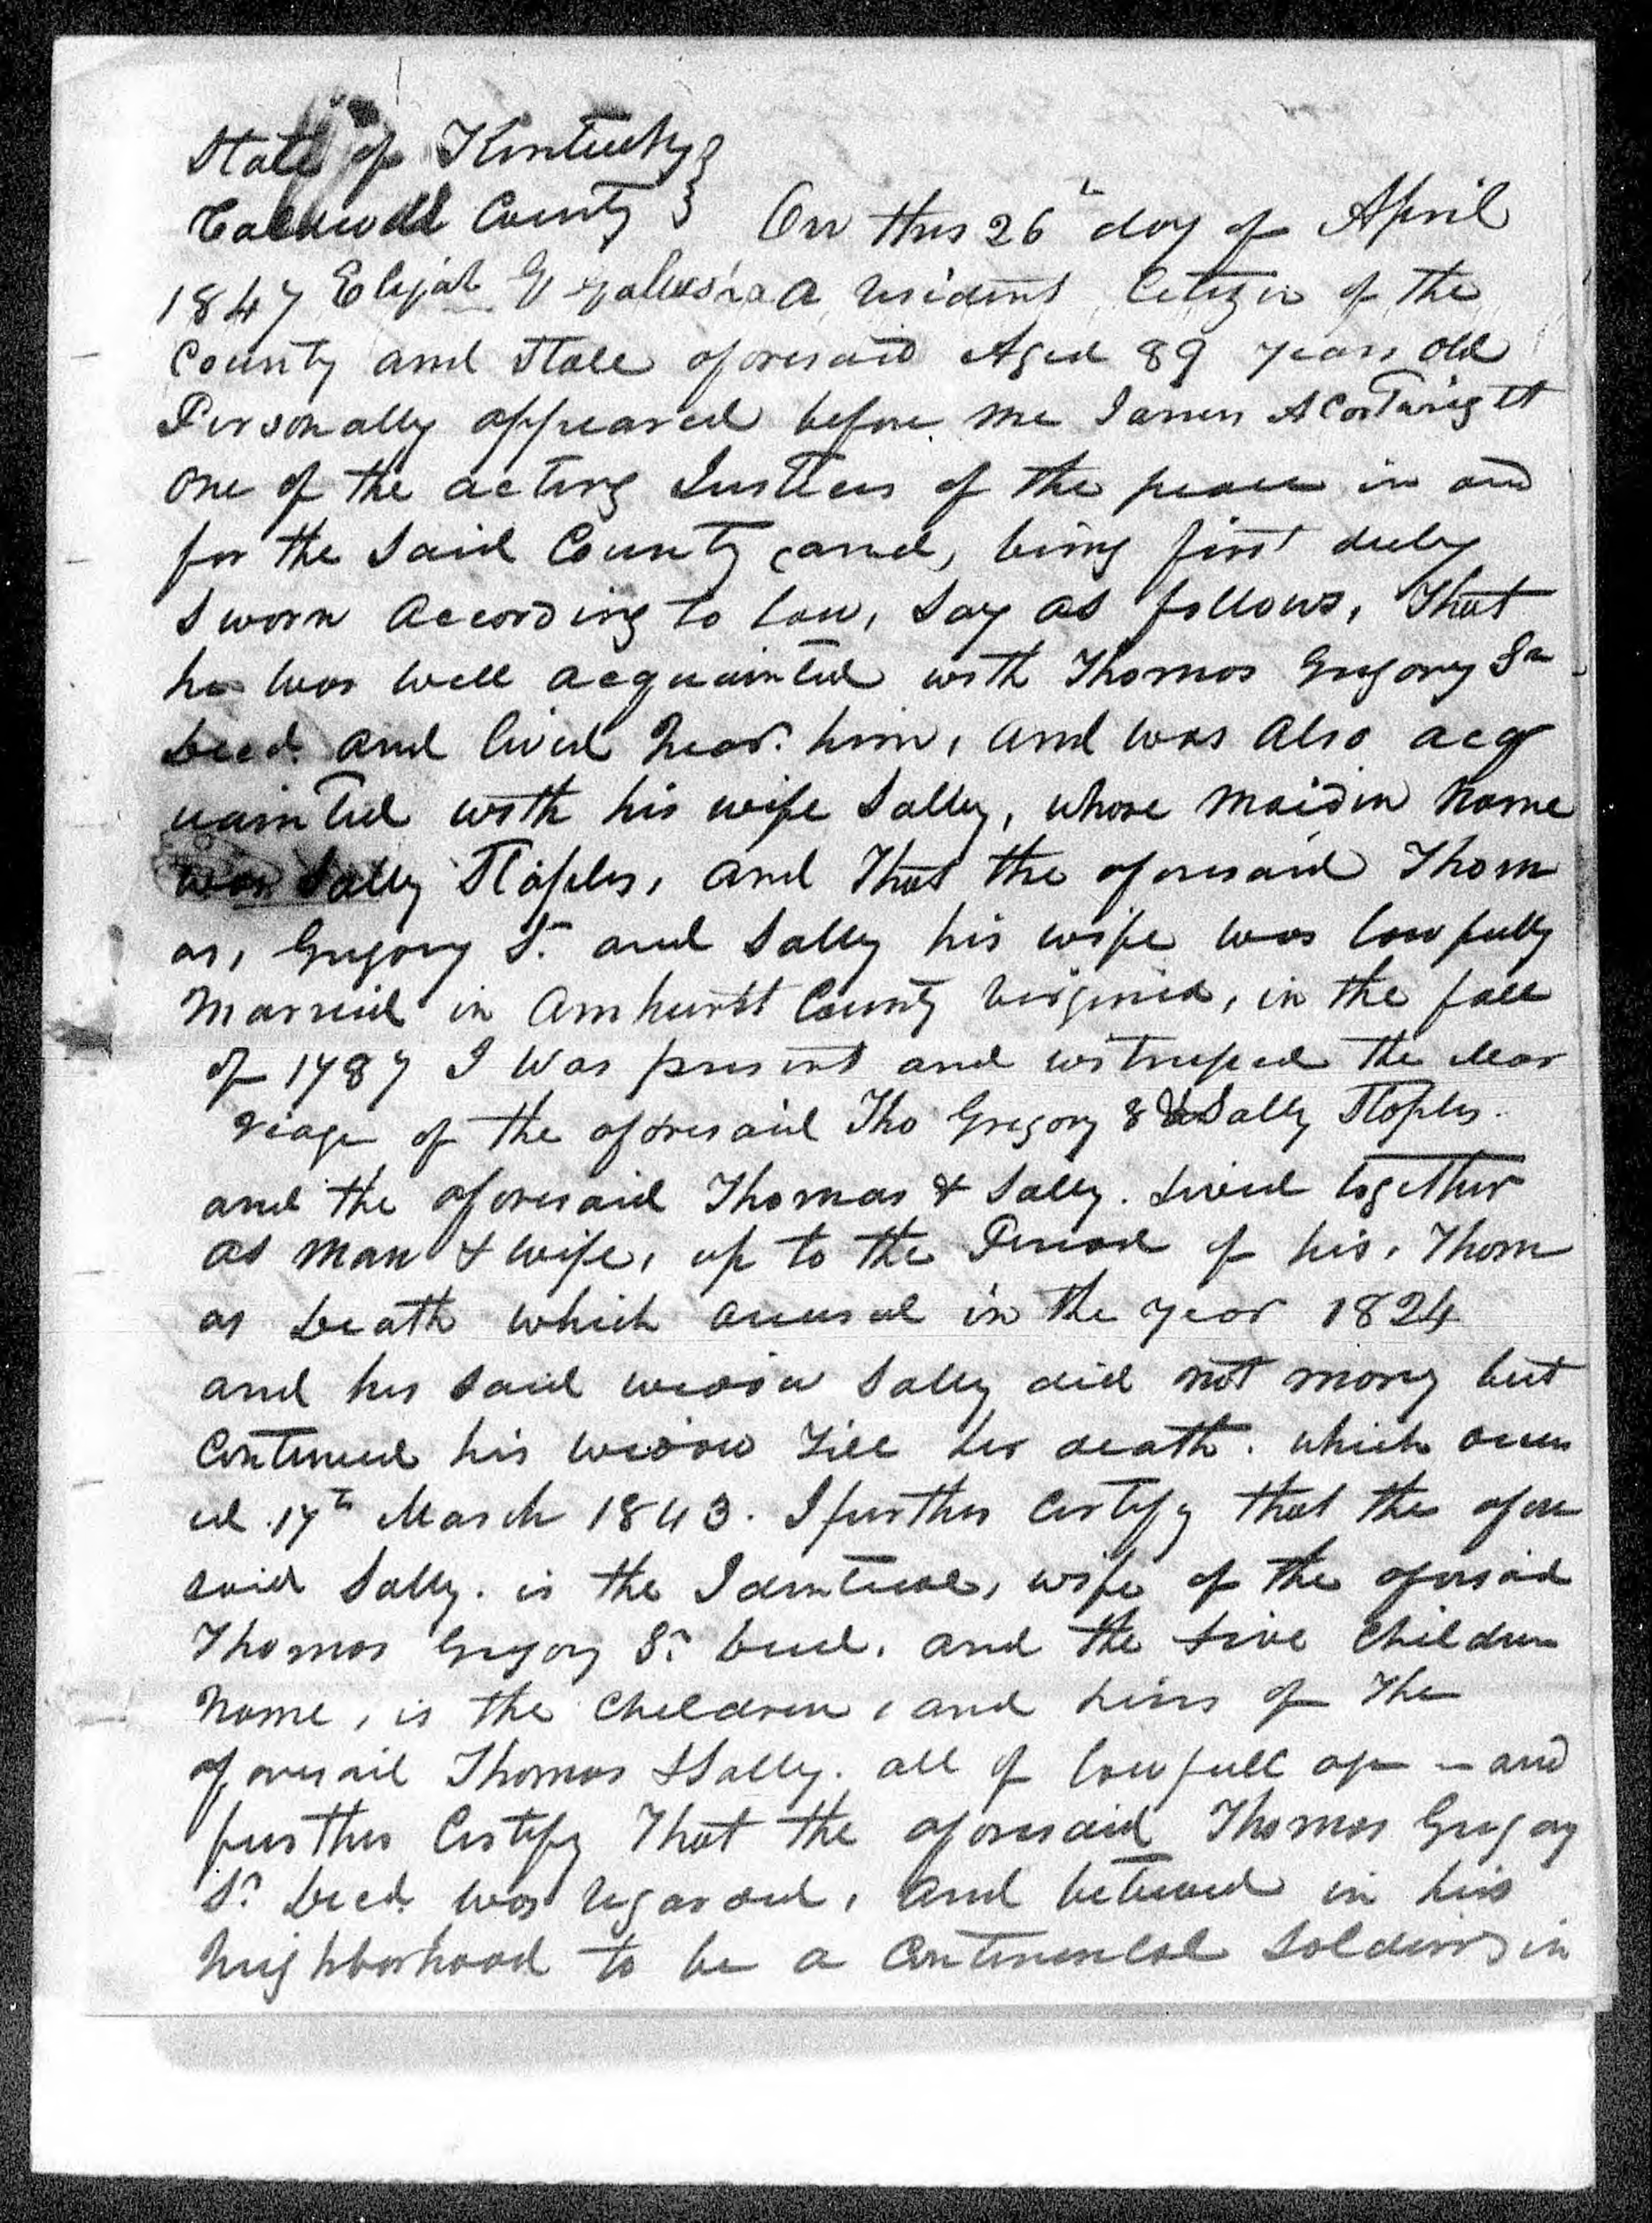State of Kentucky}
Caldwell County  }
On this 26th day of April 1847 Elijah G. Galusha a resident citizen of the county and state aforesaid Aged 89 years old Personally appeared before me James A Cartwright one of the acting Justices of the peace in and for the Said County and, being first duly sworn according to Law, Say as follows, That he was well acquainted with Thomas Gregory Sr. Decd. and lived near him, and was also acquainted with his wife Sally, whose maidin [sic] name was Sally Staples, and That the aforesaid Thomas Gregory Sr. and Sally his wife was lawfully married in Amhurst County Virginia, in the fall of 1787 I was present and witnessed the marriage of the aforesaid Tho Gregory Sr & Sally Staples and the aforesaid Thomas & Sally lived together as man & wife, up to the period of his, Thomas death which occured [sic] in the year 1824 and his said widow Sally did not marry but continued his widow Till her death, which occured [sic] 17th March 1843.  I further certify that the aforesaid Sally is the Identical wife of the aforesaid Thomas Gregory Sr. decd. and the five children name, is the children and heirs of the aforesaid Thomas & Sally all of lawfull [sic] age==and further certify That the aforesaid Thomas Gregory Sr. decd. was regarded, and believed in his neighborhood to be a continental Soldier in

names: Thomas Gregory, Tho Gregory, James A Cartwright, Sally, Sally Staples, Sally, Salley, Thomas, Sally, Sally, Thomas, Thomas Gregory, Thomas Gregory, Sally, Thomas Gregory, Sally Staples, Elijah G Galusha, Thomas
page: 10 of 75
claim: widow's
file: W. 8876, Thomas Gregory, Continental Va